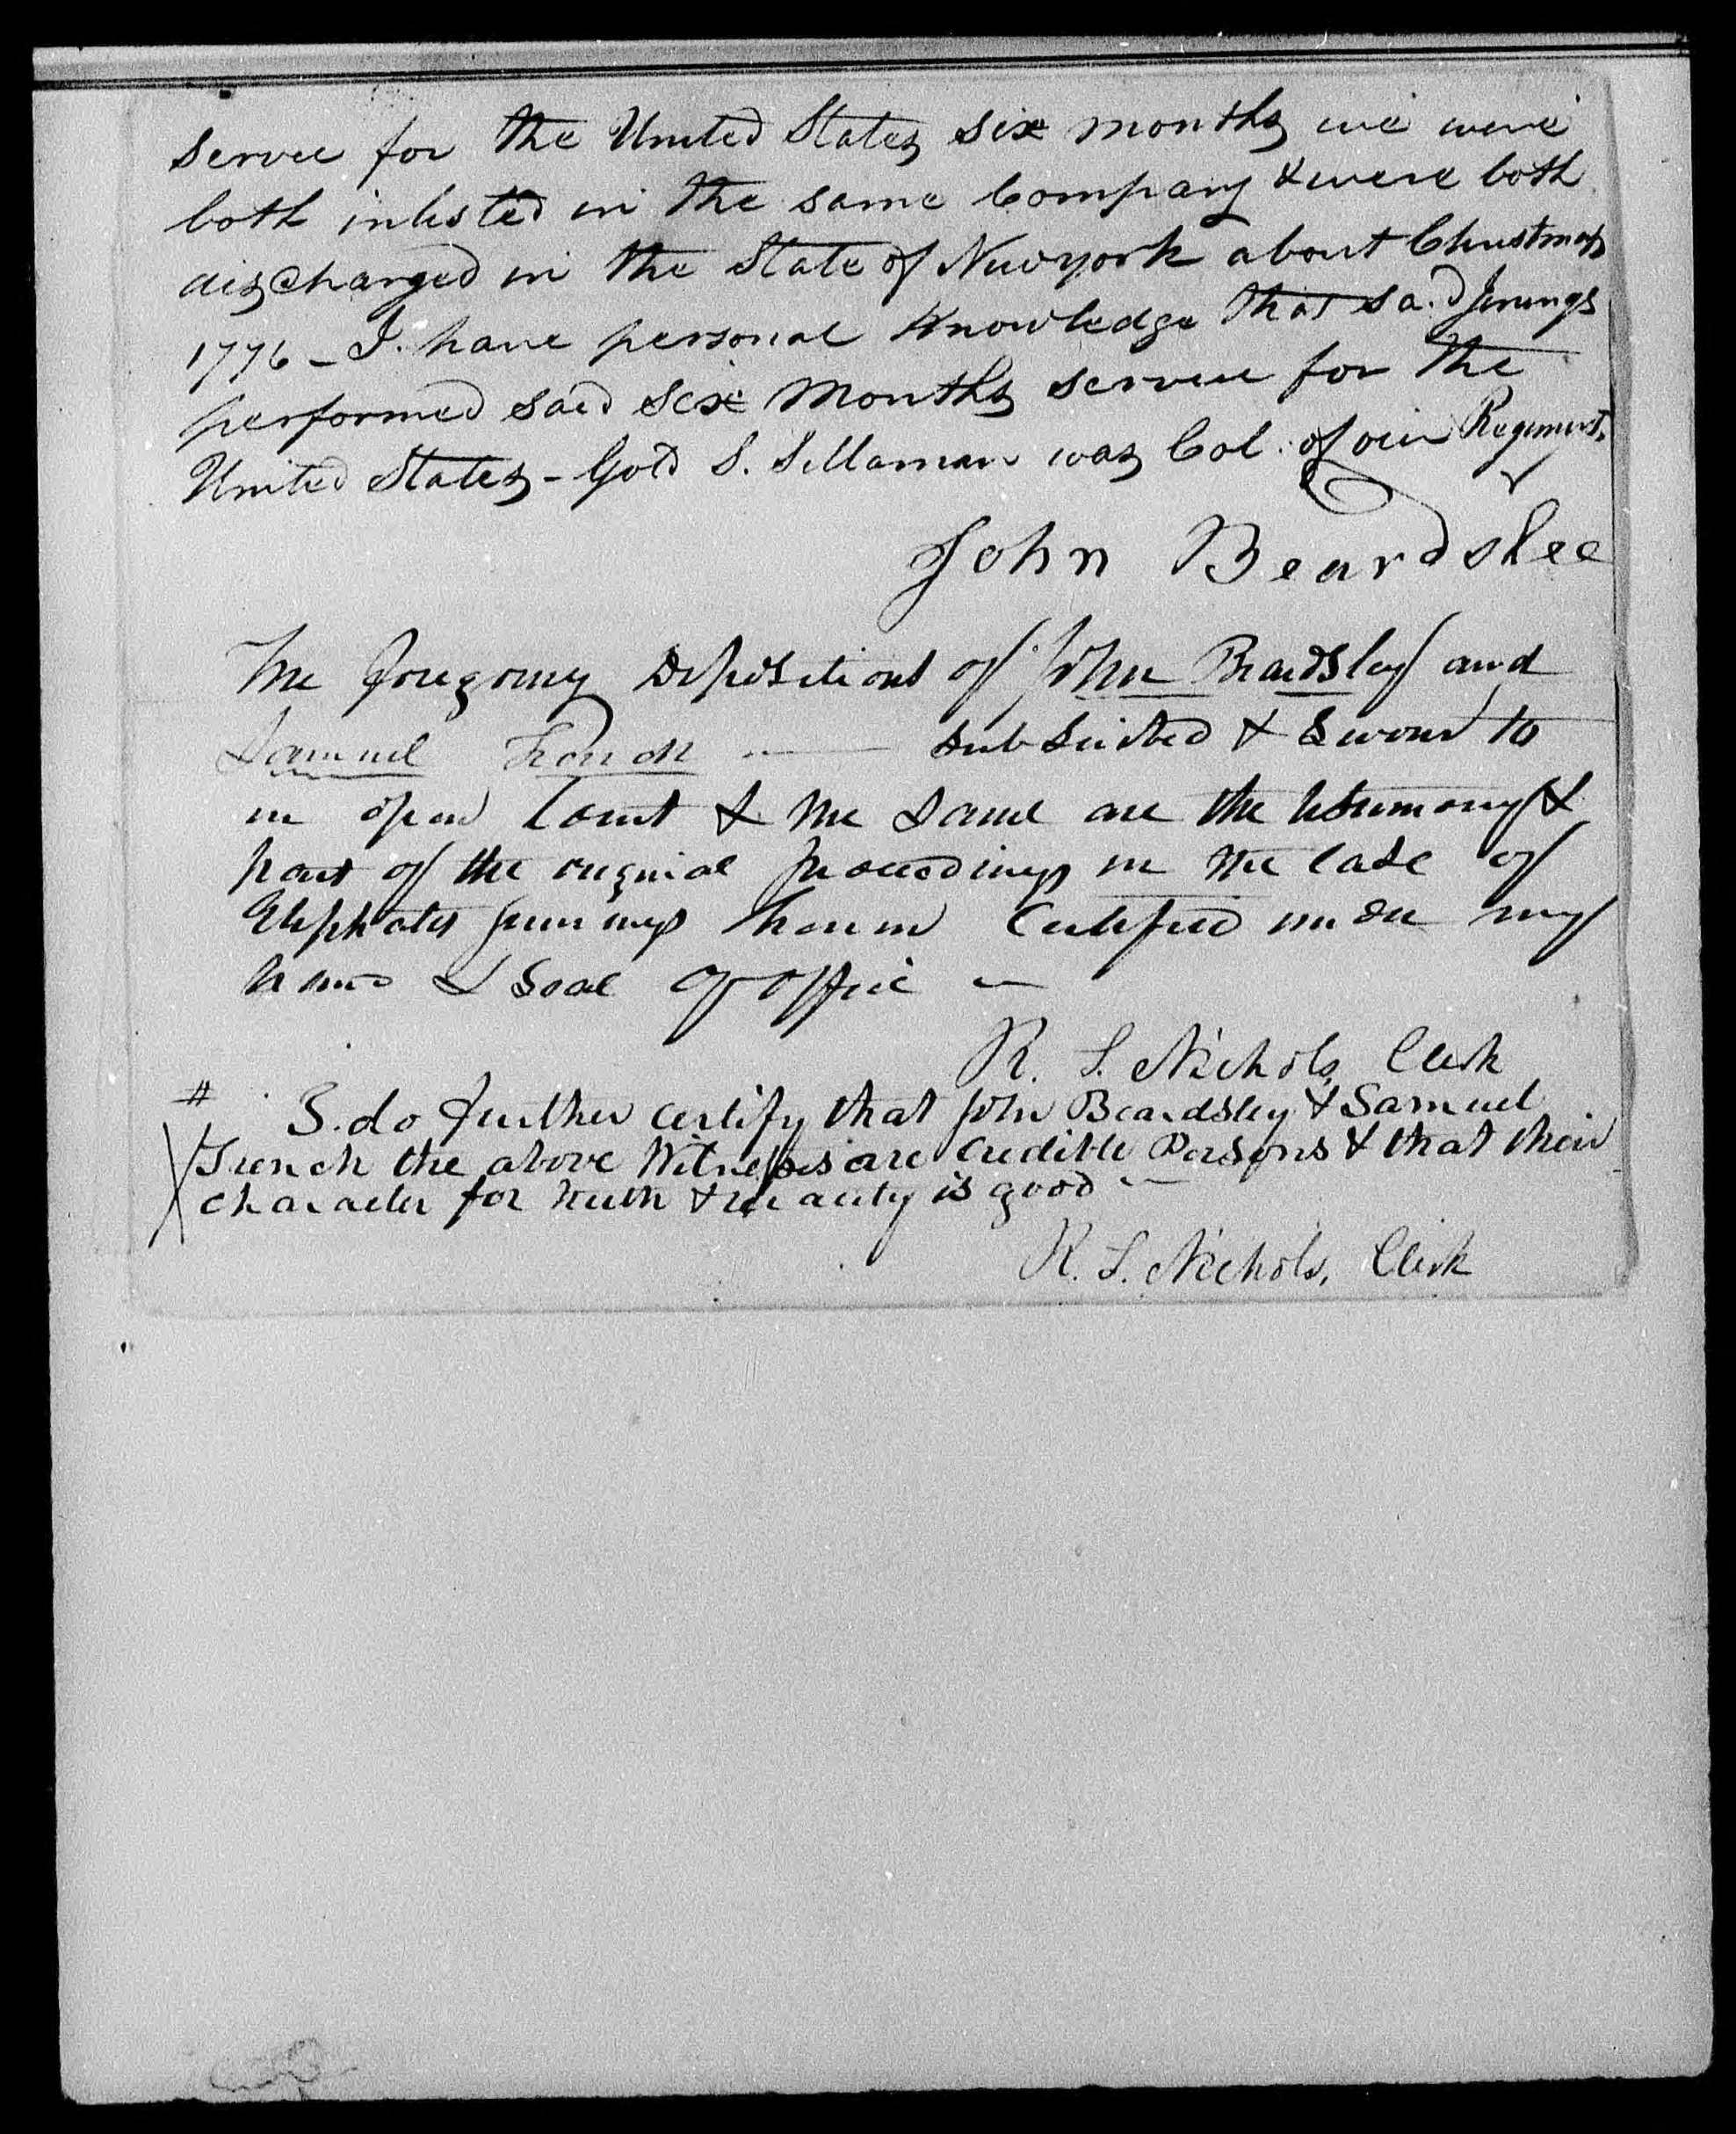Served for the United States six months we were both inlisted in the same Company & were both discharged in the State of Newyork about Christmas 1776--I have personal knowledge that said Jennings performed said Six Months service for the United States--Gold S. Sillaman was Col. of our Regiment.
John Beardslee

The foregoing Depositions of John Beardsley and Samuel French Subscribed & Sworn to in open Court & the same are the testimony & part of the original proceedings in the case of Eliphalet Jennings herein Certified under my hand & Seal of Office--
R. S. Nichols Clerk

# I do further certify that John Beardsley & Samuel French the above Witnefses are credible persons & that their character for truth & veracity is good.
R. S. Nichols, Clerk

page: 7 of 10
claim: survivor's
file: S. 18468, for Eliphalet Jennings, Connecticut